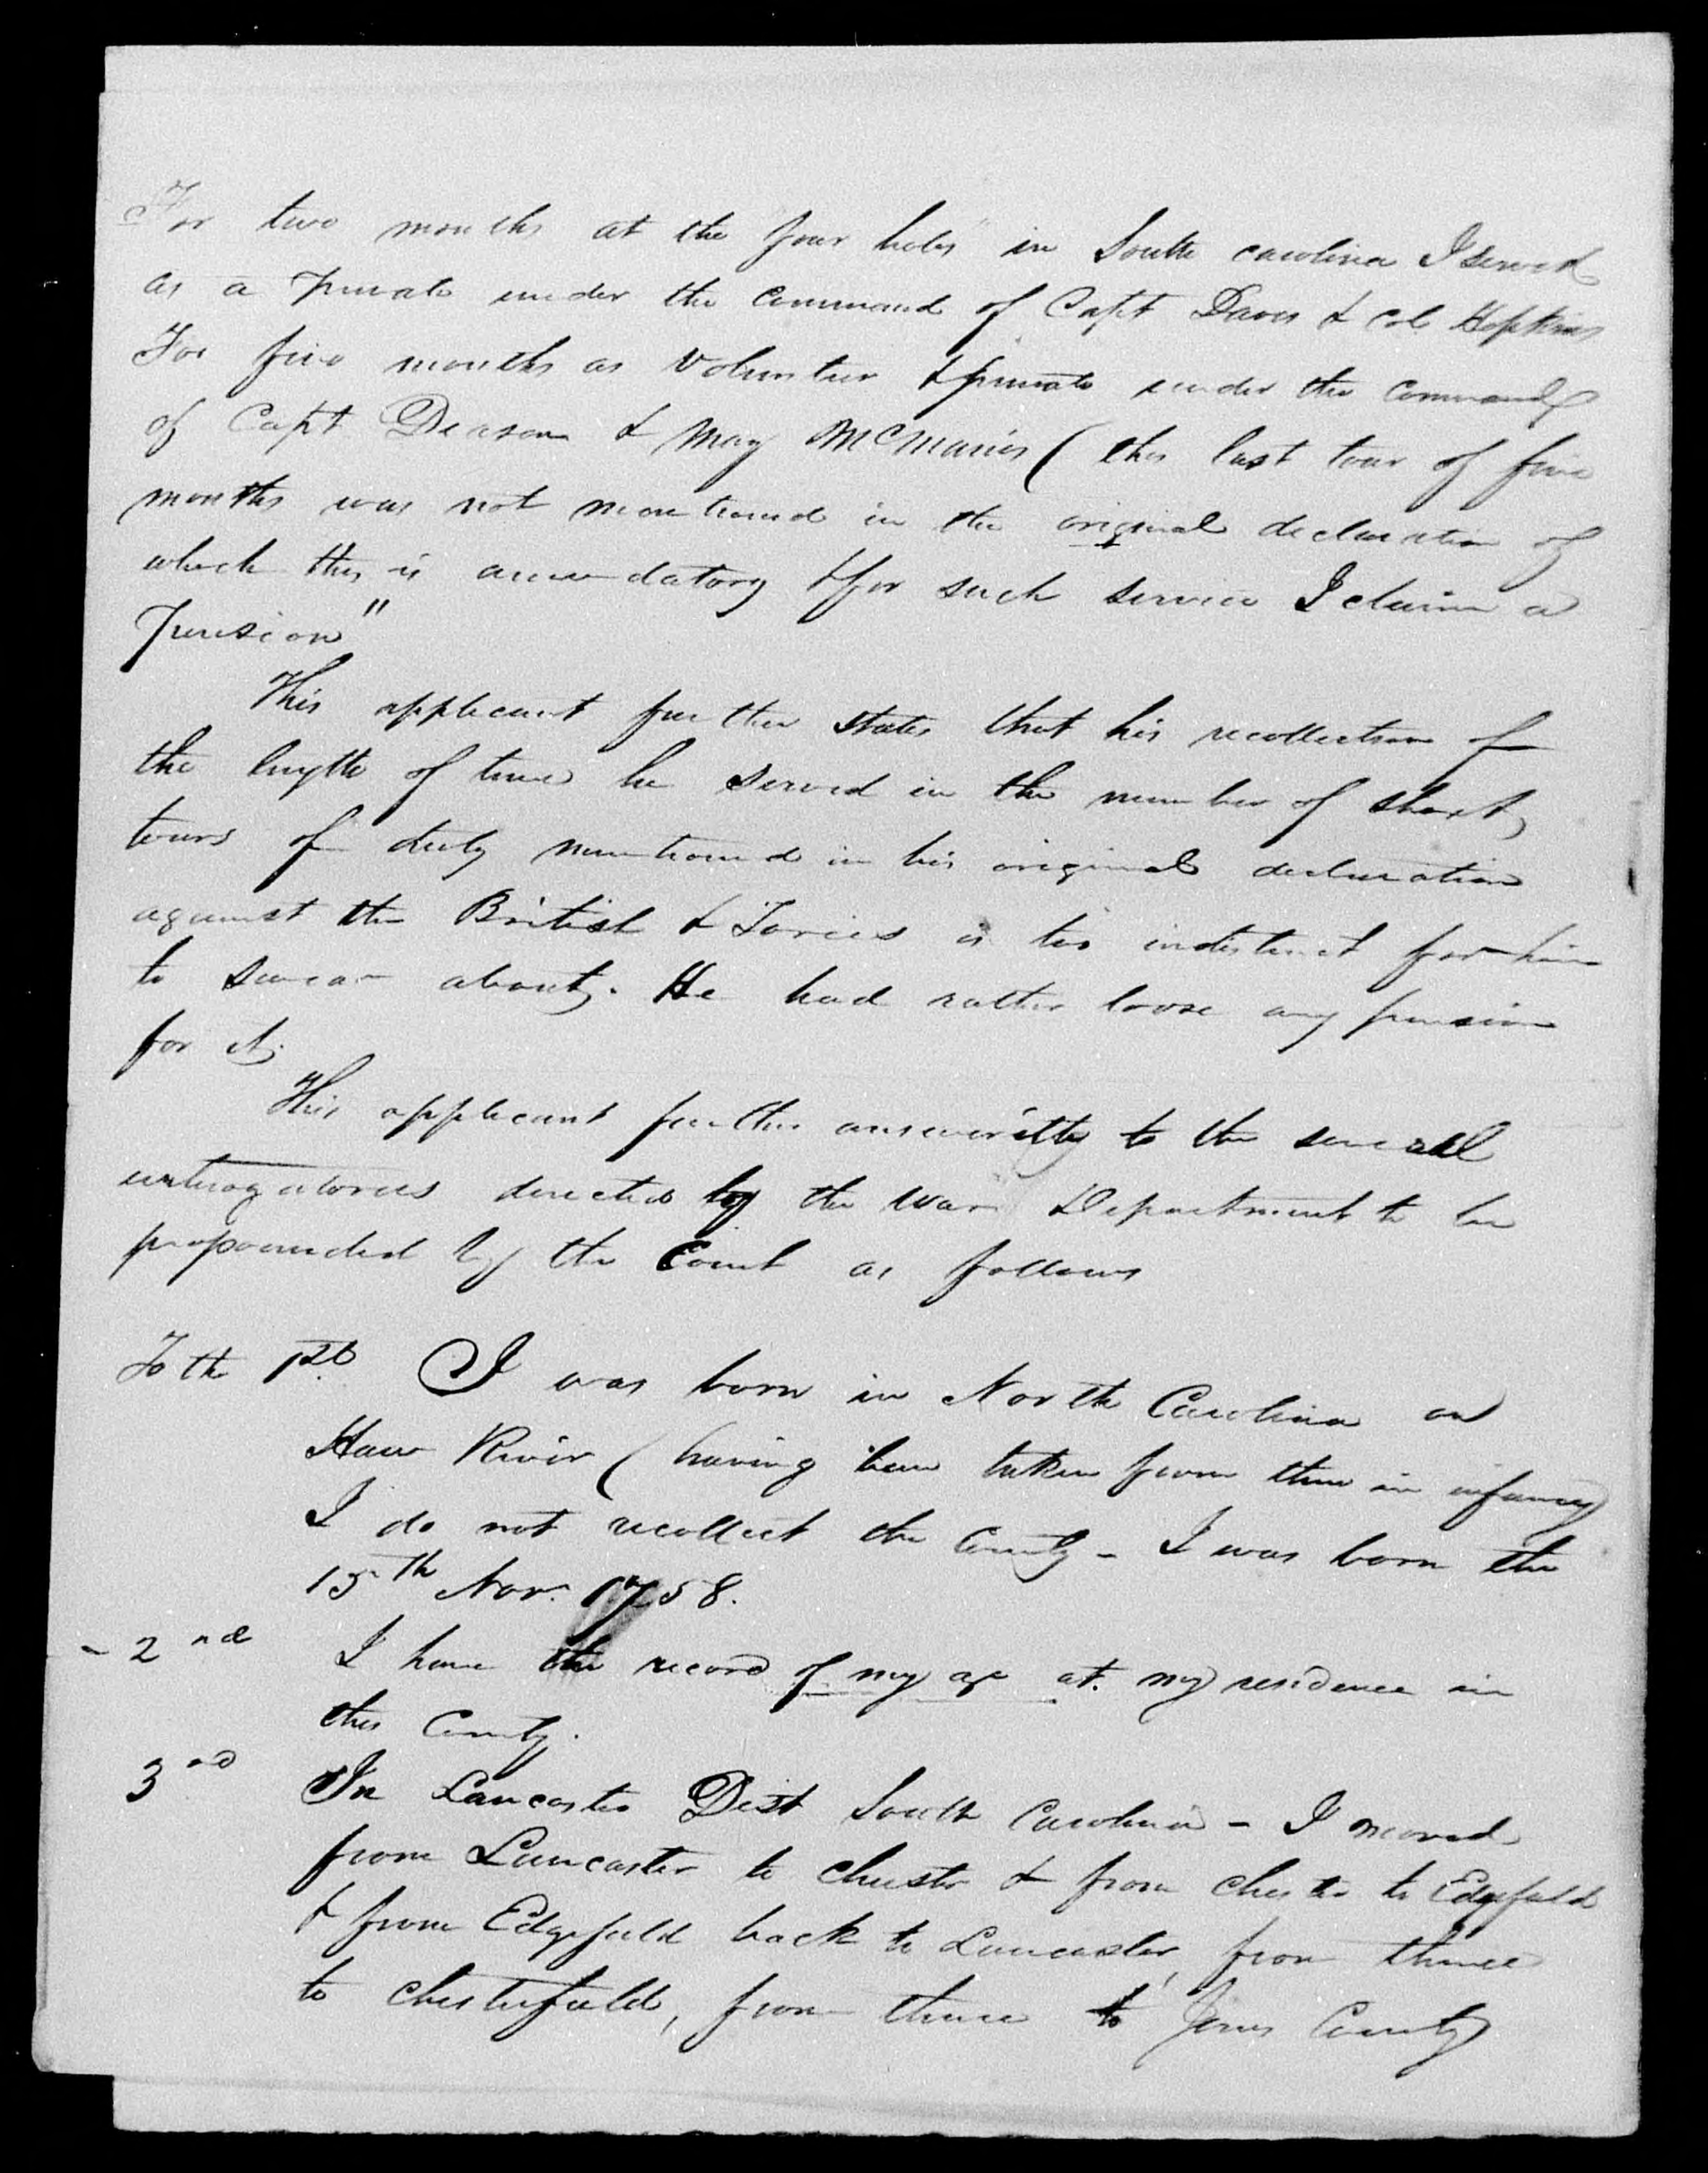For two months at the four holes in South Carolina I served
as a private under the command of Capt Davis & Col Hopkins
For five months as volunteer private under the command
of Capt Deason & Maj McManis (the last tour of five 
months was not mentioned in the original declaration of 
which this is mandatory for such service I claim a
pension"

This applicant further states that his recollection of
the length of time he served in the number of short
tours of duty mentioned in his original declaration
against the British & Tories is too indistinct for him
to swear about. He had rather lose any pension 
for it.

This applicant further answerith to the several
interrogatories directed by the War Department to be
prepended by the Court as follows

To the 1st I was born in North Carolina on
Haw River (having been taken from there in infancy
I do not recollect the county. I was born the 
15th Nov. 1758.
-2nd I have the record of my age at my residence in 
the county.
3rd In Lancaster Dist South Carlolina - I moved 
from Lancaster to Chester & from Chester to Edgefield 
& from Edgefield back to Lancaster, from thence
to Chesterfield, from thence to Jones County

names: Davis, Mc Mains, Hopkins, Deason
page: 10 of 23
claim: survivor's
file: S. 31,682, John Funderbuck, S.C.